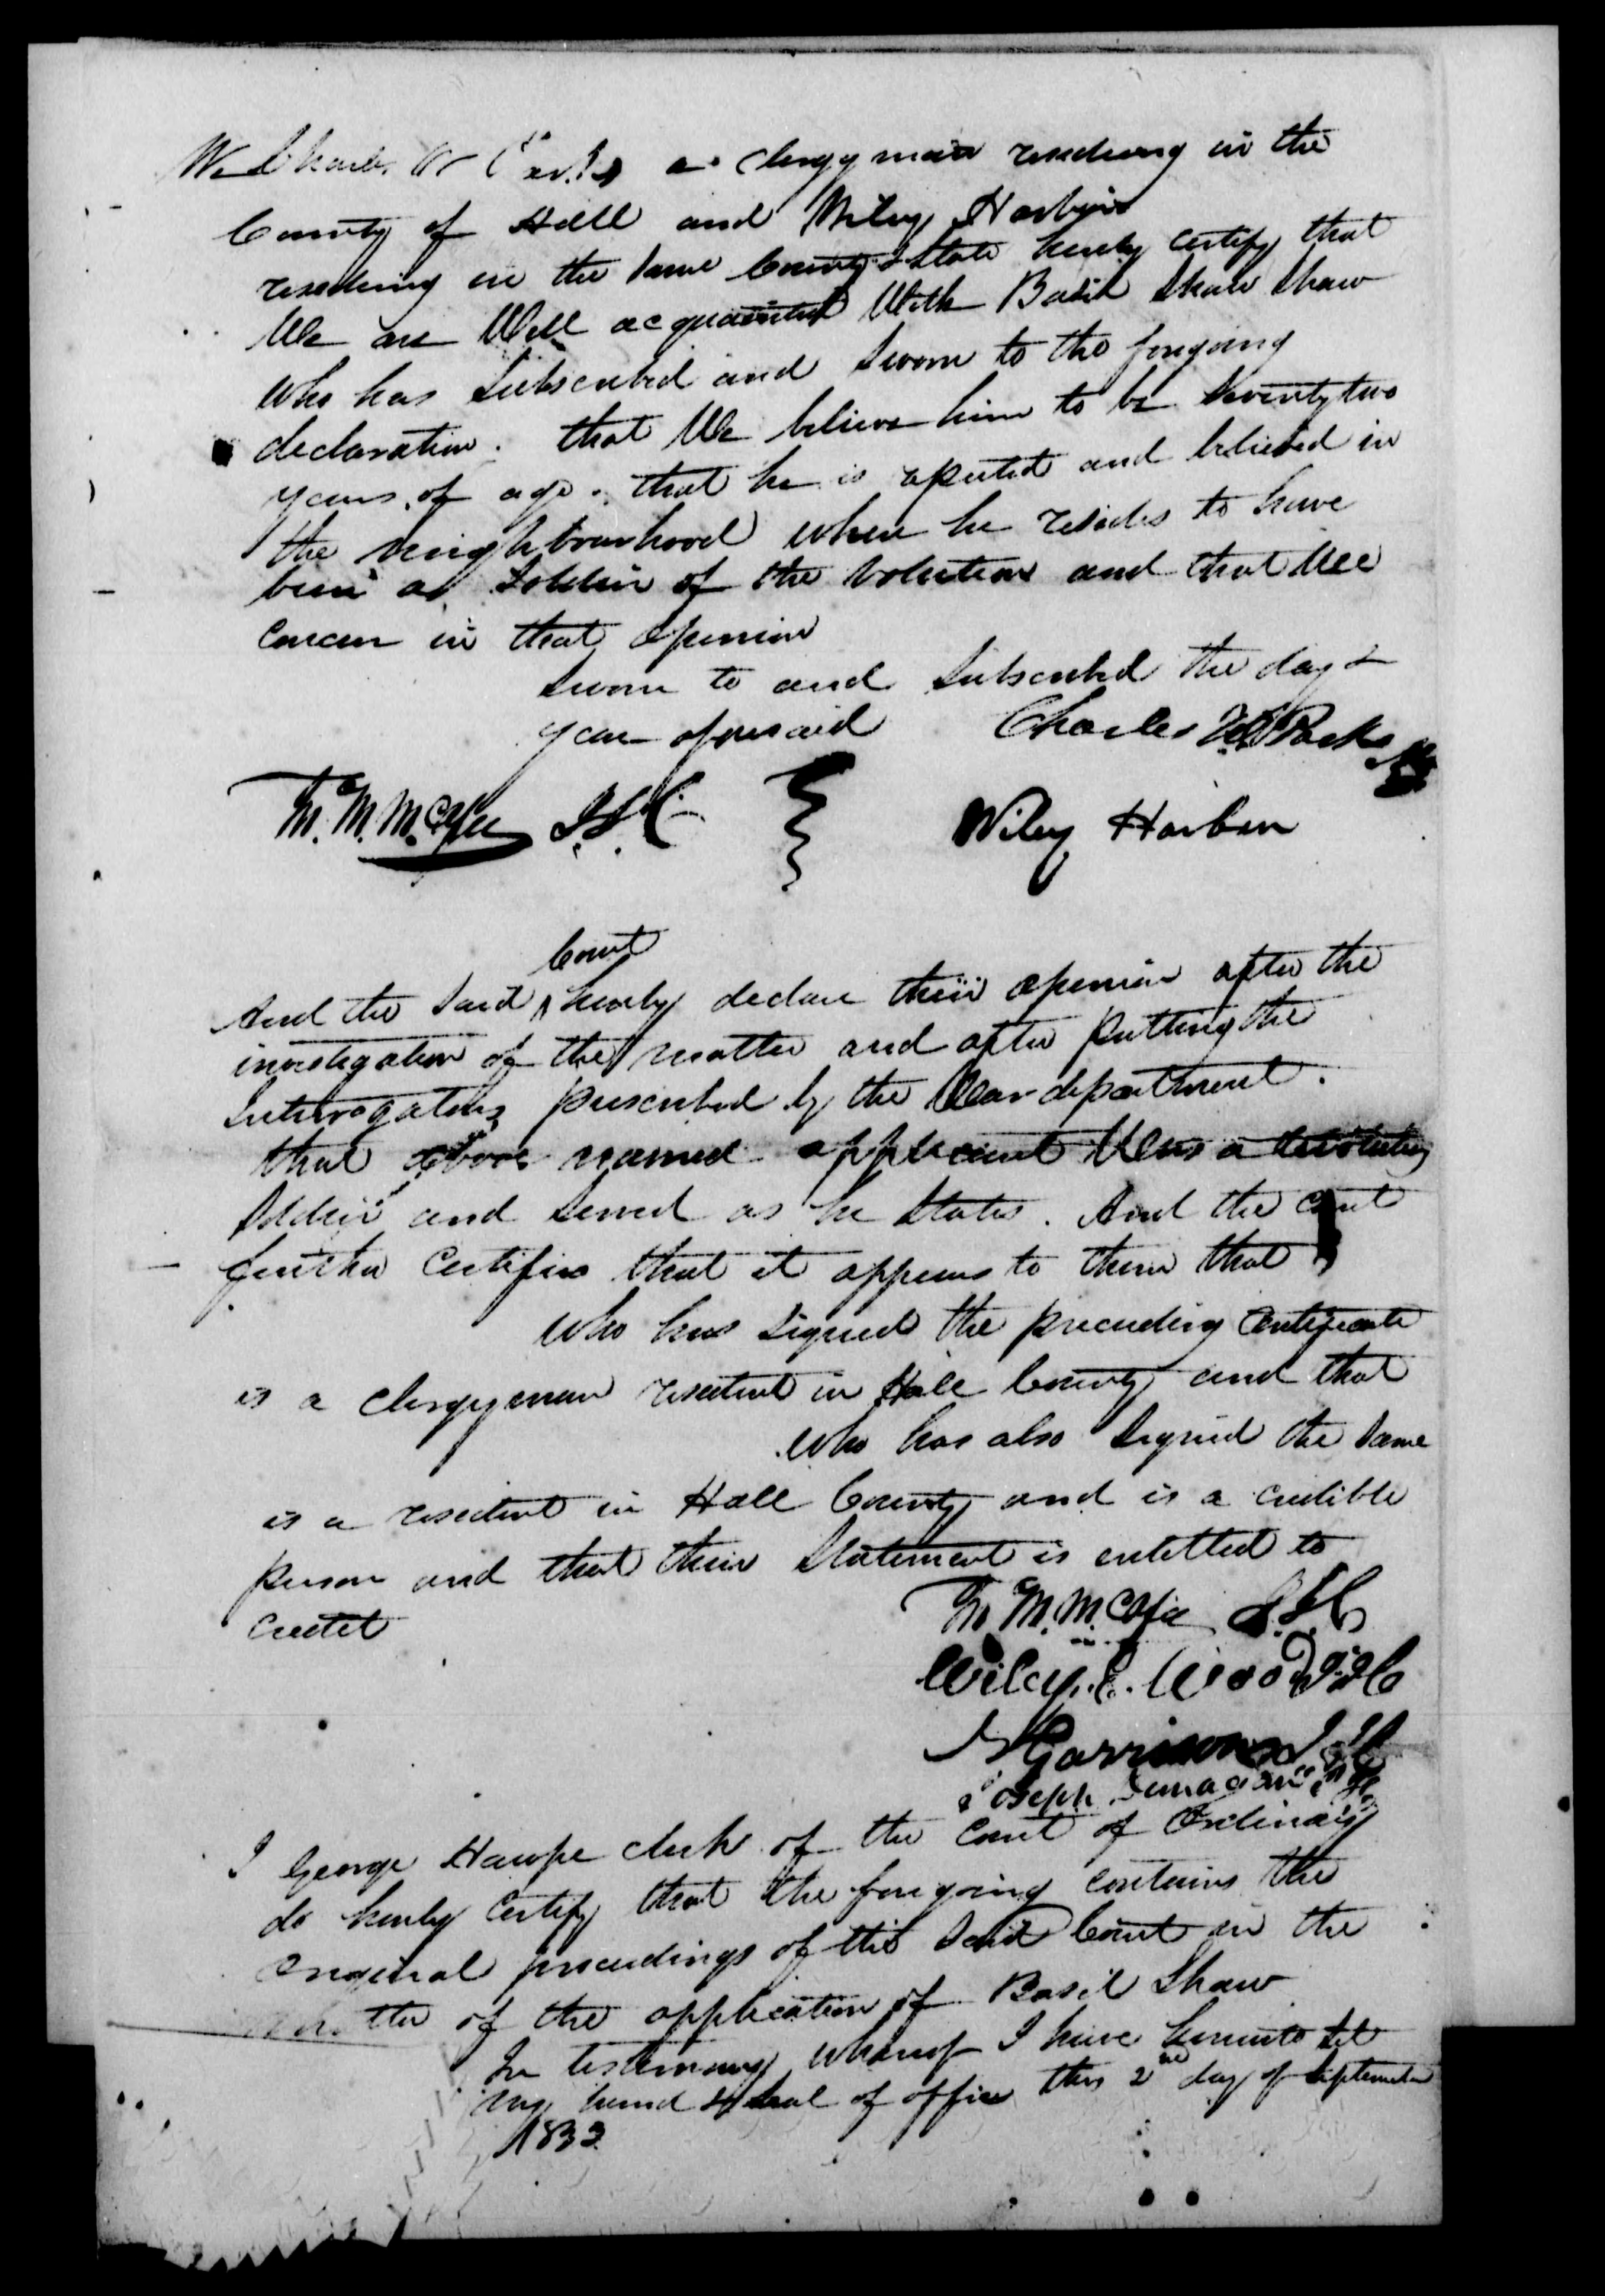We Charles W Parks, a clergyman residing in the County of Hall and Wiley Harbin
residing in the same county and state hereby certify that we are well acquainted with Basil Shaw who has subscribed and sworn to the foregoing declaration.  That we believe him to be seventy two
years of age - that he is reputed and believed in the neighborhood where he resides to have been a soldier of the Revolution and that we concur in that opinion.
Sworn to and subscribed the day and year aforesaid.
Jno M McAfee J I C
Charles W Parks
Wiley Harbin

And the said Court hereby declare their opinion after the 
investigation of the matter and after putting the
interrogatories prescribed by the War Department
that above named applicant was a Revolutionary
soldier and served as he states. And the Court
further certifies that it appears to them that
[blank] who has signed the preceding certificate
is a clergyman resident in Hall County and that
[blank] who has also signed the same
is a resident in Hall County and is a credible
person and that their statement is entitled to credit.
Jno M McAfee J I C
Wiley E Wood J I C
W Garrison J I C
Joseph Duncanson J I C

I George Hawes clerk of the Court of Ordinary
do hereby certify that the foregoing contains the
original proceedings of the said court in the
matter of the application of Basil Shaw
In testimony whereof I have herewith set
my hand and seal of office this 2nd day of September
1833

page: 8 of 32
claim: survivor's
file: S. 16,526, for Basil Shaw, Maryland